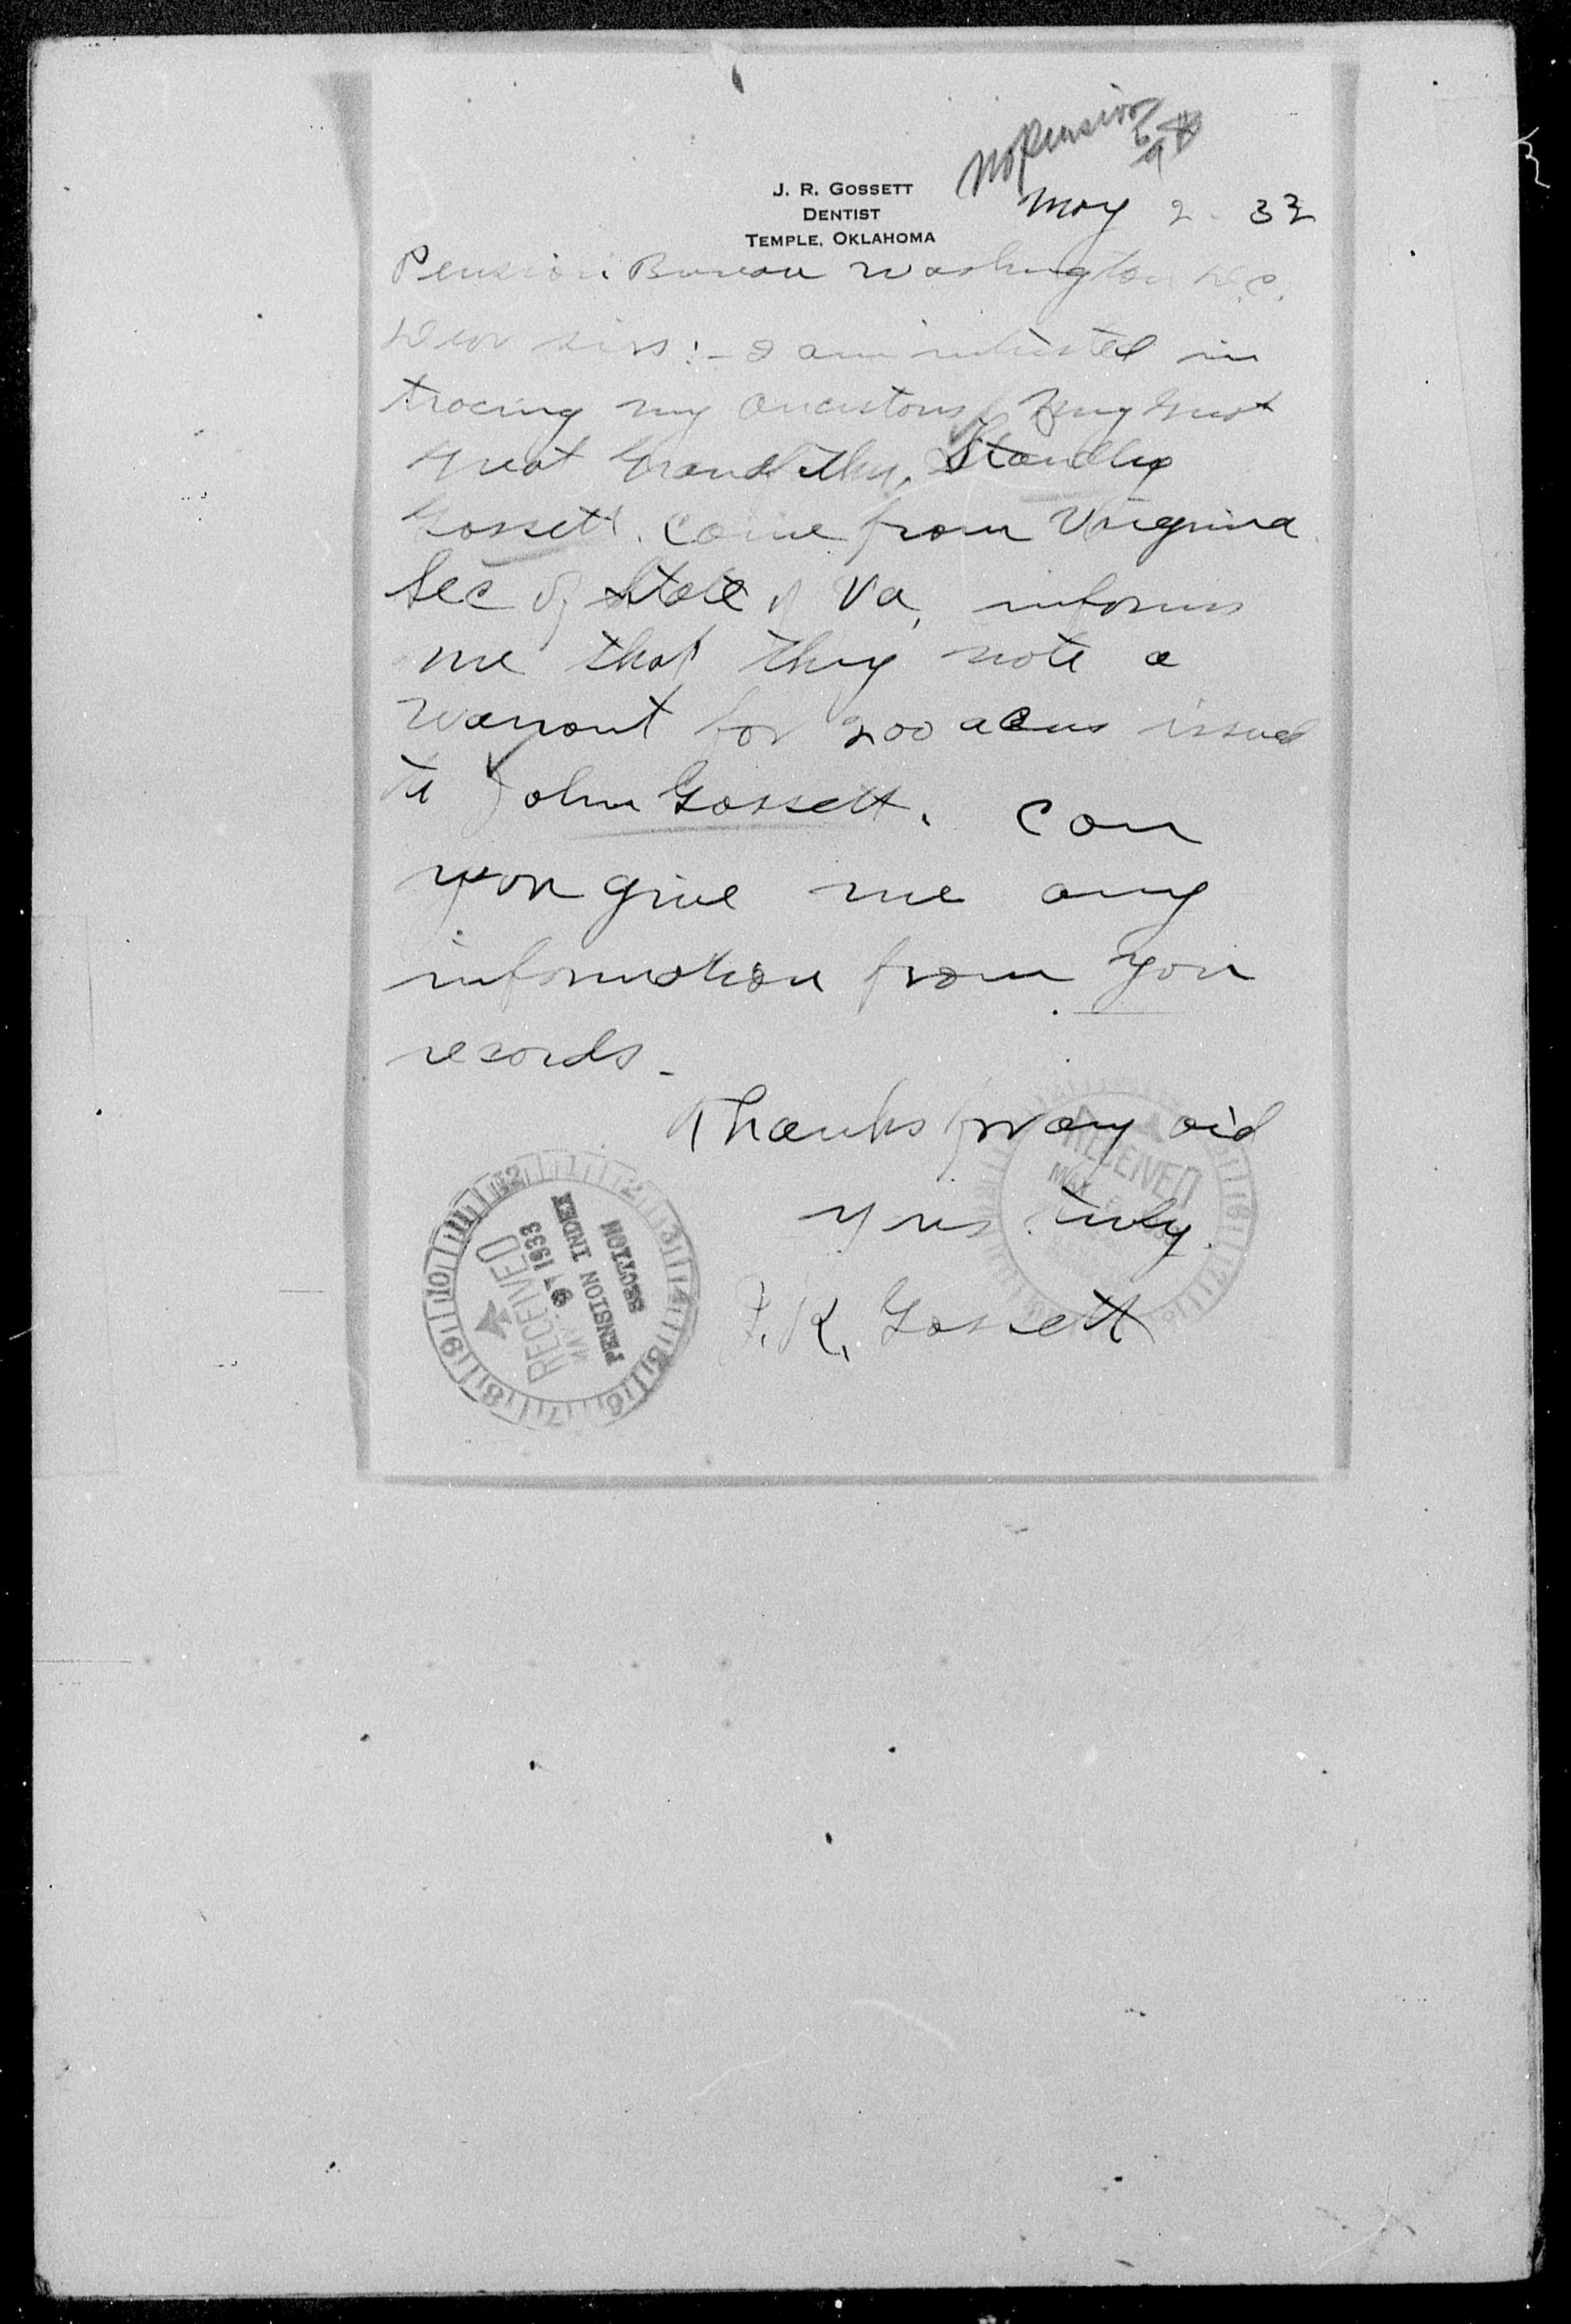[letterhead]
J. R. GOSSETT
DENTIST
TEMPLE, OKLAHOMA

[handwritten to right of letterhead]
No Pension 6/9

[main body]
May 2, '33
Pension Bureau Washington, D.C.
Dear sirs; - I am interested in tracing my ancestors, my great great grandfather, Standley Gossett, come from Virginia. Sec of State of Va, informed me that they note a warrant for 200 acres issued to John Garrett. [name underlined] Can you give me any information from your records.
Thanks for any aid
yours truly
J. R. Garrett

[to left of signature is a circular stamped ink seal]
RECEIVED MAY 9 1933 PENSION INDEX SECTION
[to right and on top of signature is a circular stamped ink seal]
RECEIVED MAY 5 1933 [remainder of seal illegible]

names: John Gossett, J R Gossett, J R Gossett, Standley Gossett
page: 16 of 21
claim: survivor's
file: S. 42,750, John Gosset, Va.